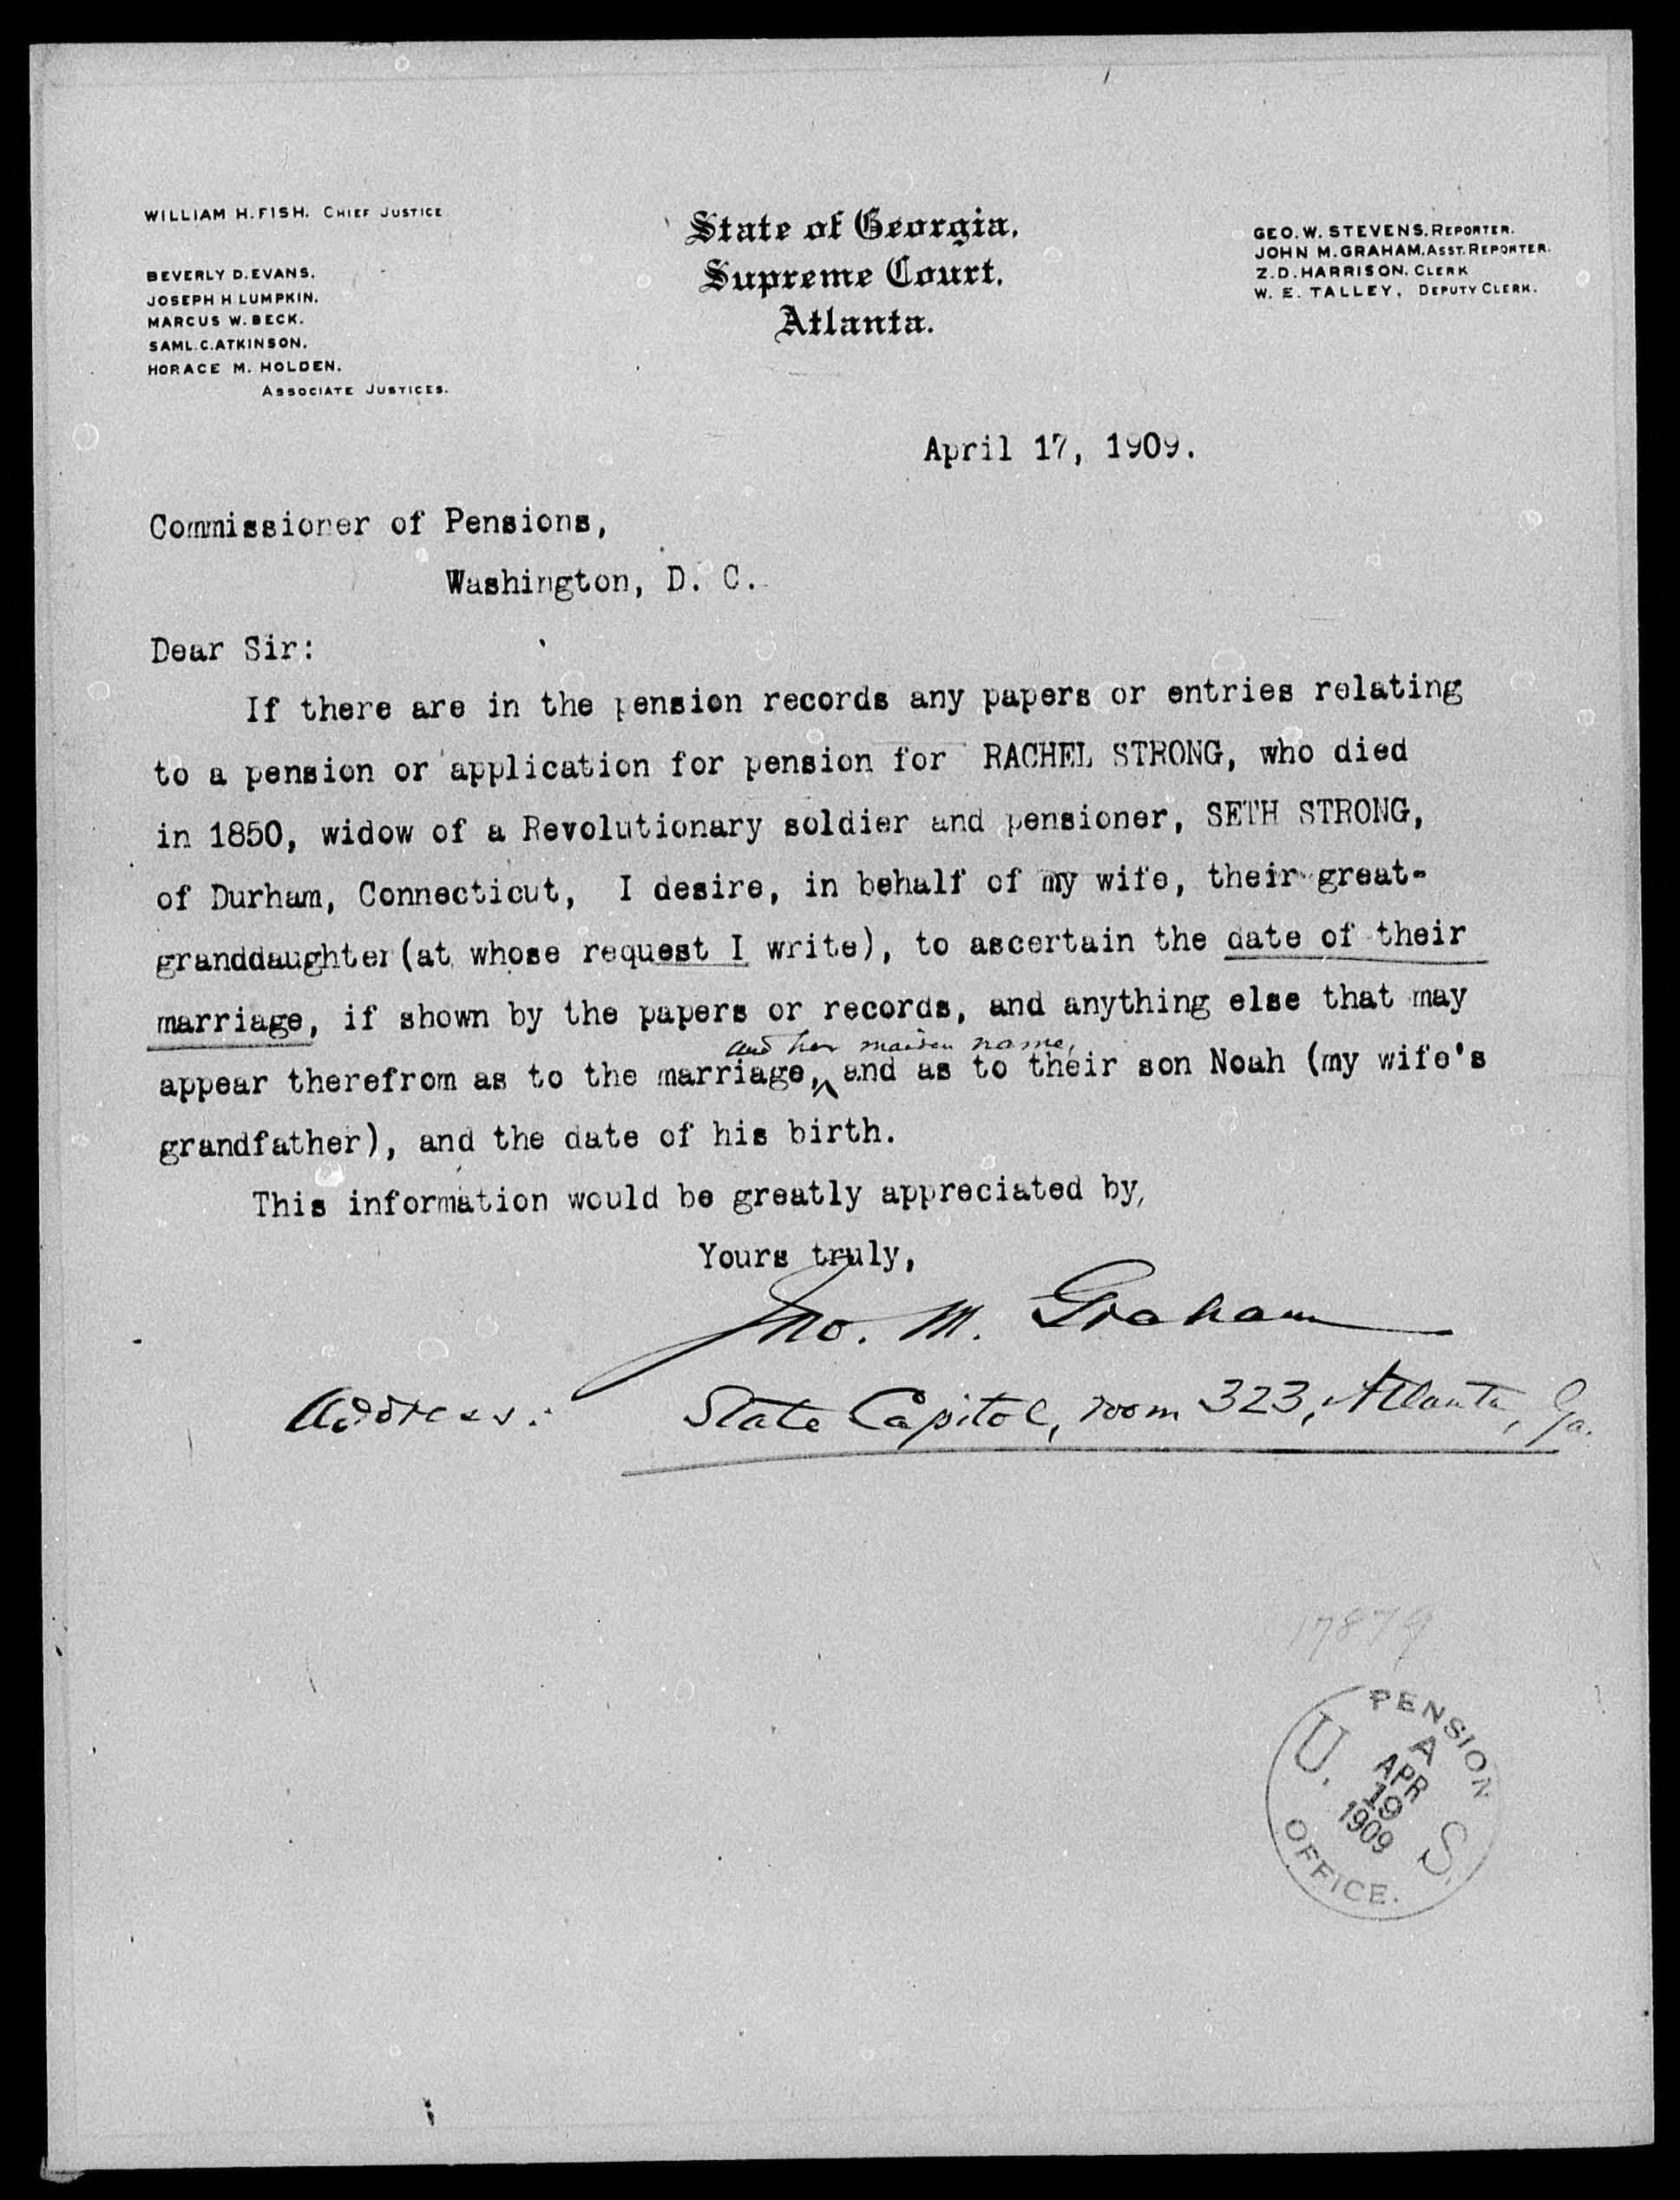State of Georgia,
Supreme Court,
Atlanta.

WILLIAM H. FISH, CHIEF JUSTICE
BEVERLY D. EVANS.
JOSEPH H. LUMPKIN.
MARCUS W. BECK.
SAML. C. ATKINSON.
HORACE M. HOLDEN.
ASSOCIATE JUSTICES.

GEO. W. STEVENS, REPORTER.
JOHN M. GRAHAM, ASST. REPORTER.
Z.D. HARRISON, CLERK
W. E. TALLEY, DEPUTY CLERK.

April 17, 1909.
Commissioner of Pensions,
Washington, D. C.

Dear Sir:
If there are in the pension records any papers or entries relating to a pension or application for pension for RACHEL STRONG, who died in 1850, widow of a Revolutionary soldier and pensioner, SETH STRONG, of Durham,  Connecticut, I desire, in behalf of my wife, their great-granddaughter (at whose request I write), to ascertain the date of their marriage, if shown by the papers or records, and anything else that may appear therefrom as to the marriage, and her maiden name, and as to their son Noah (my wife's grandfather), and the date of his birth.

This information would be greatly appreciated by,
Yours truly,
Jn. M. Graham
Address: State Capitol, room 323, Atlanta, Ga.

17879

[Round stamp which reads:]
U. S. PENSION OFFICE 
A
APR
19
1909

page: 32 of 47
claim: widow's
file: W. 17879, for Seth Strong, Connecticut